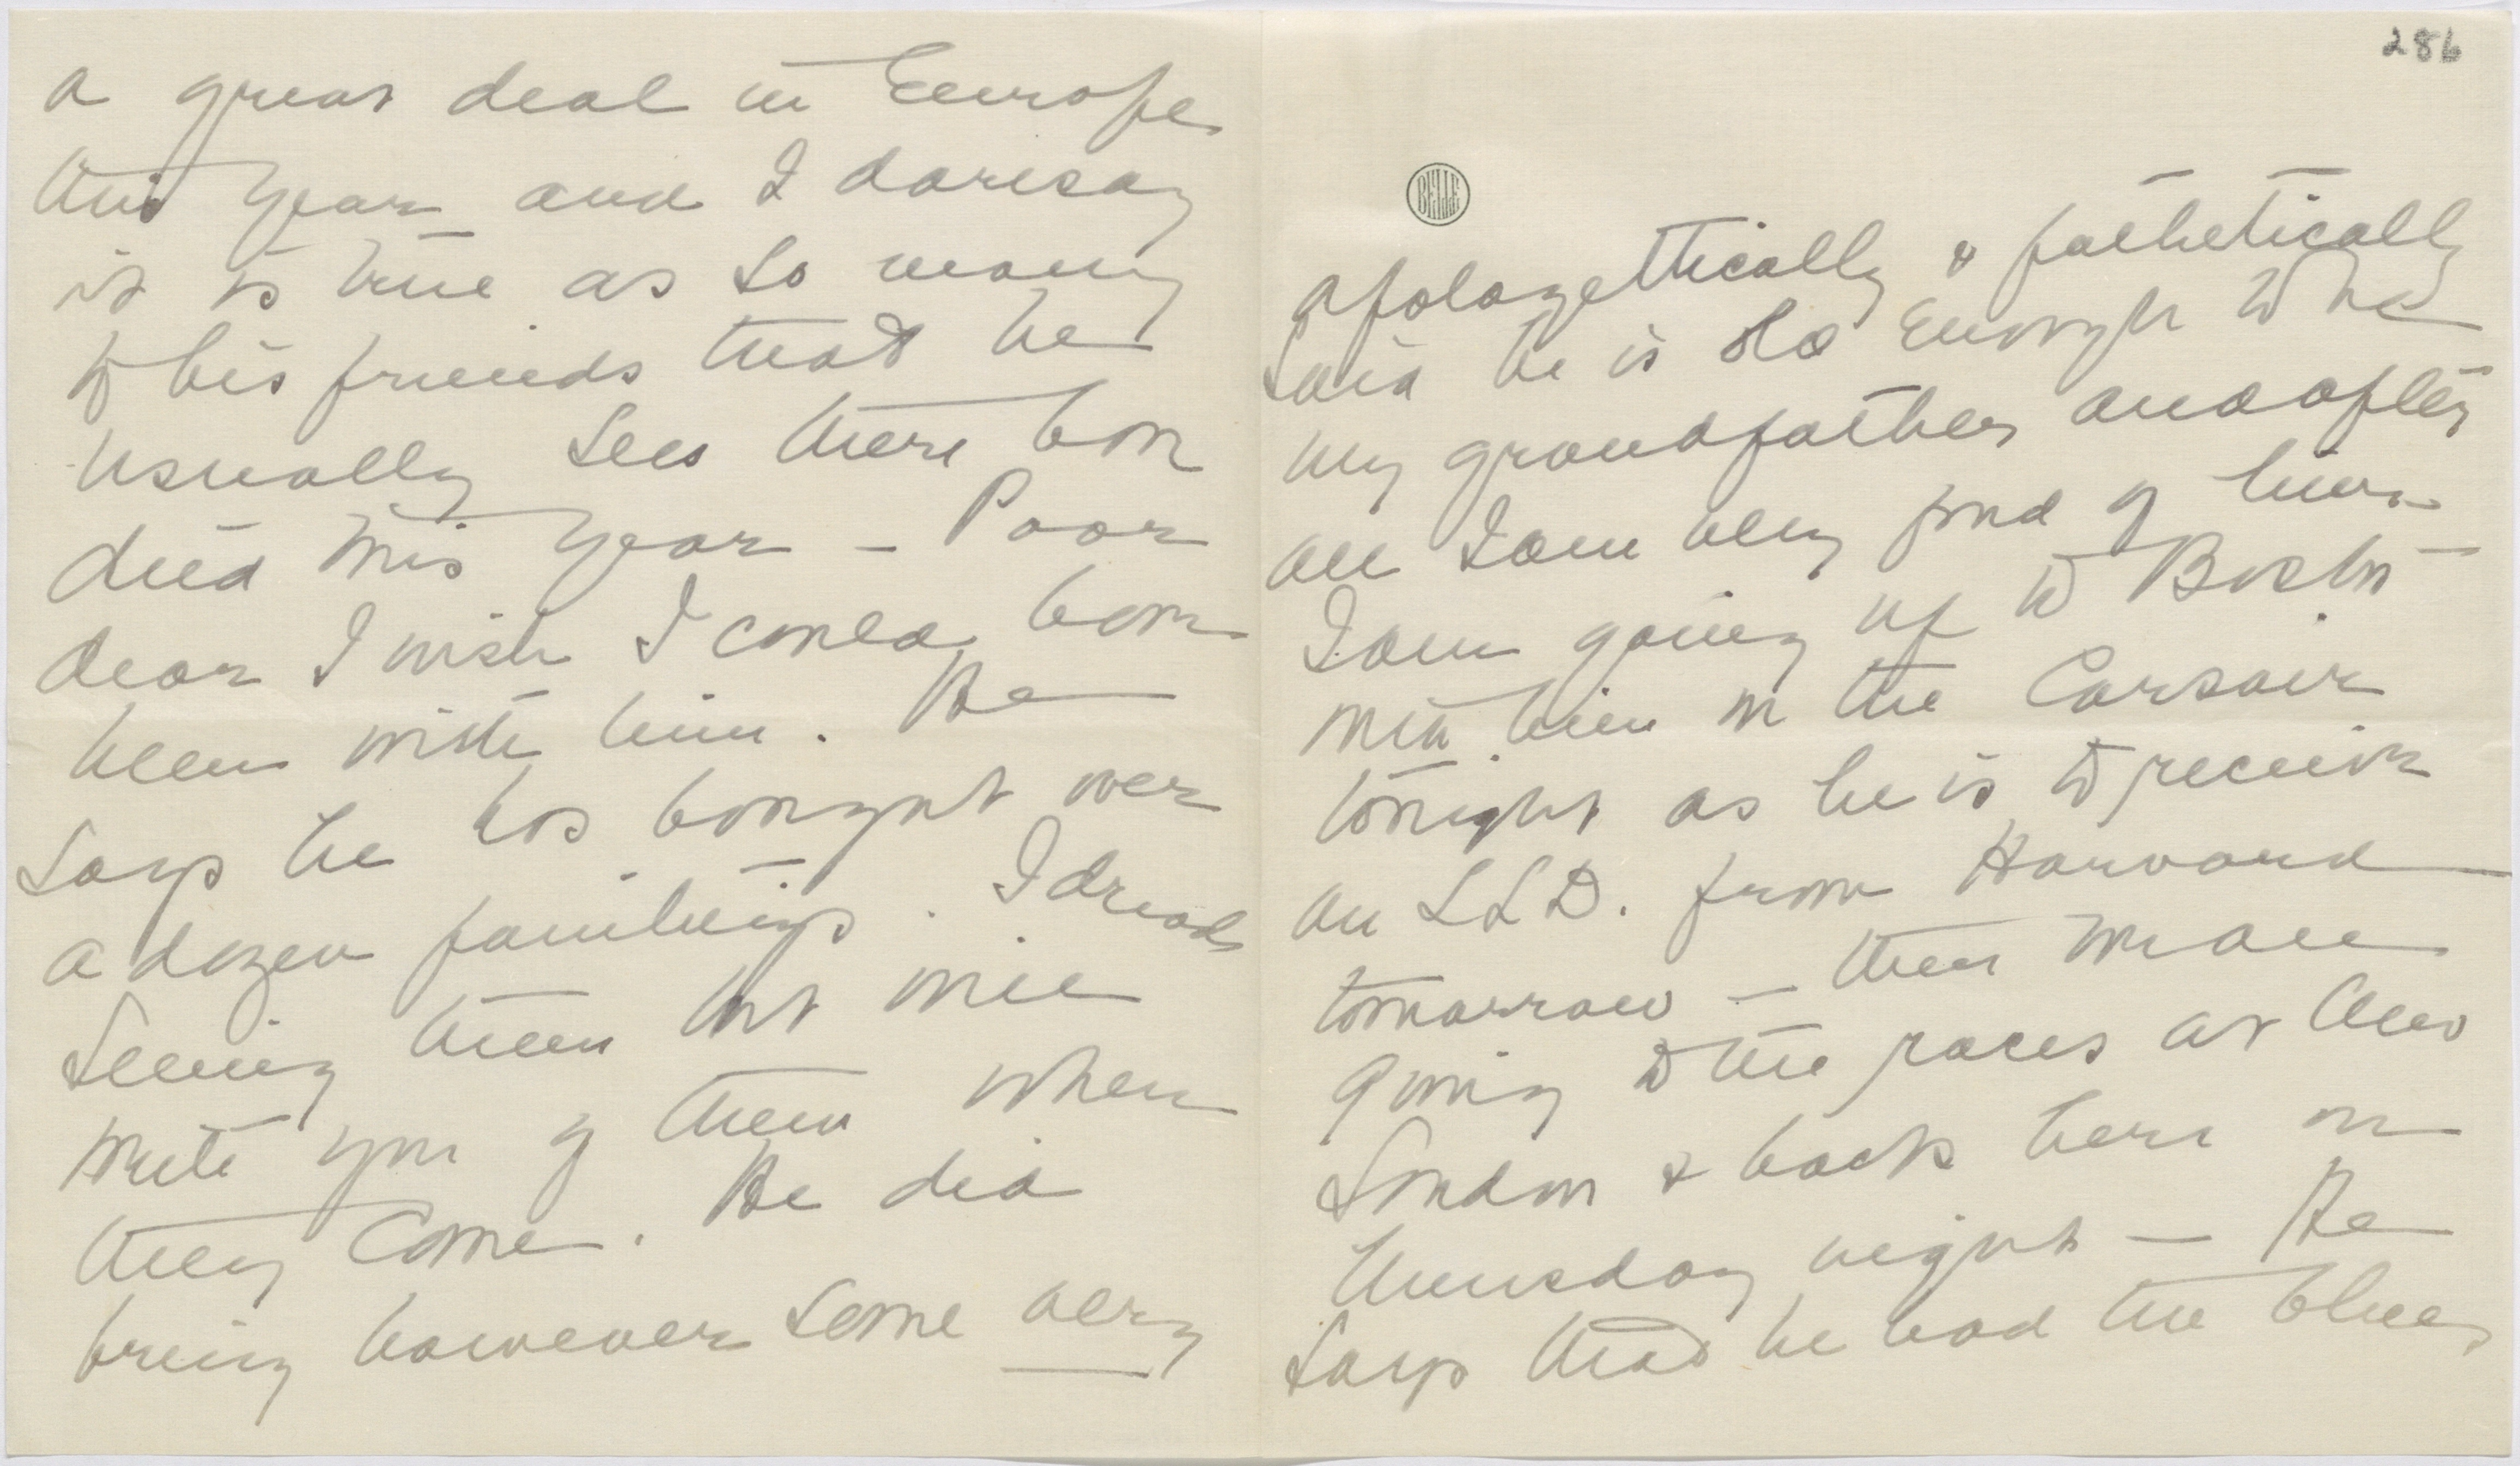apologetically & pathetically said he is old enough to be my grandfather and after all I am very fond of him –
I am going up to Boston with him on the Corsair tonight as he is to receive an LLD. from Harvard tomorrow – then we are going to the races at New London & back here on Thursday night – He says that he had the blues
a great deal in Europe this year and I daresay it is true as so many of his friends that he usually sees there have died this year – Poor dear I wish I could have been with him. He says he has bought over a dozen paintings. I dread seeing them but will write you of them when they come. He did bring however some very